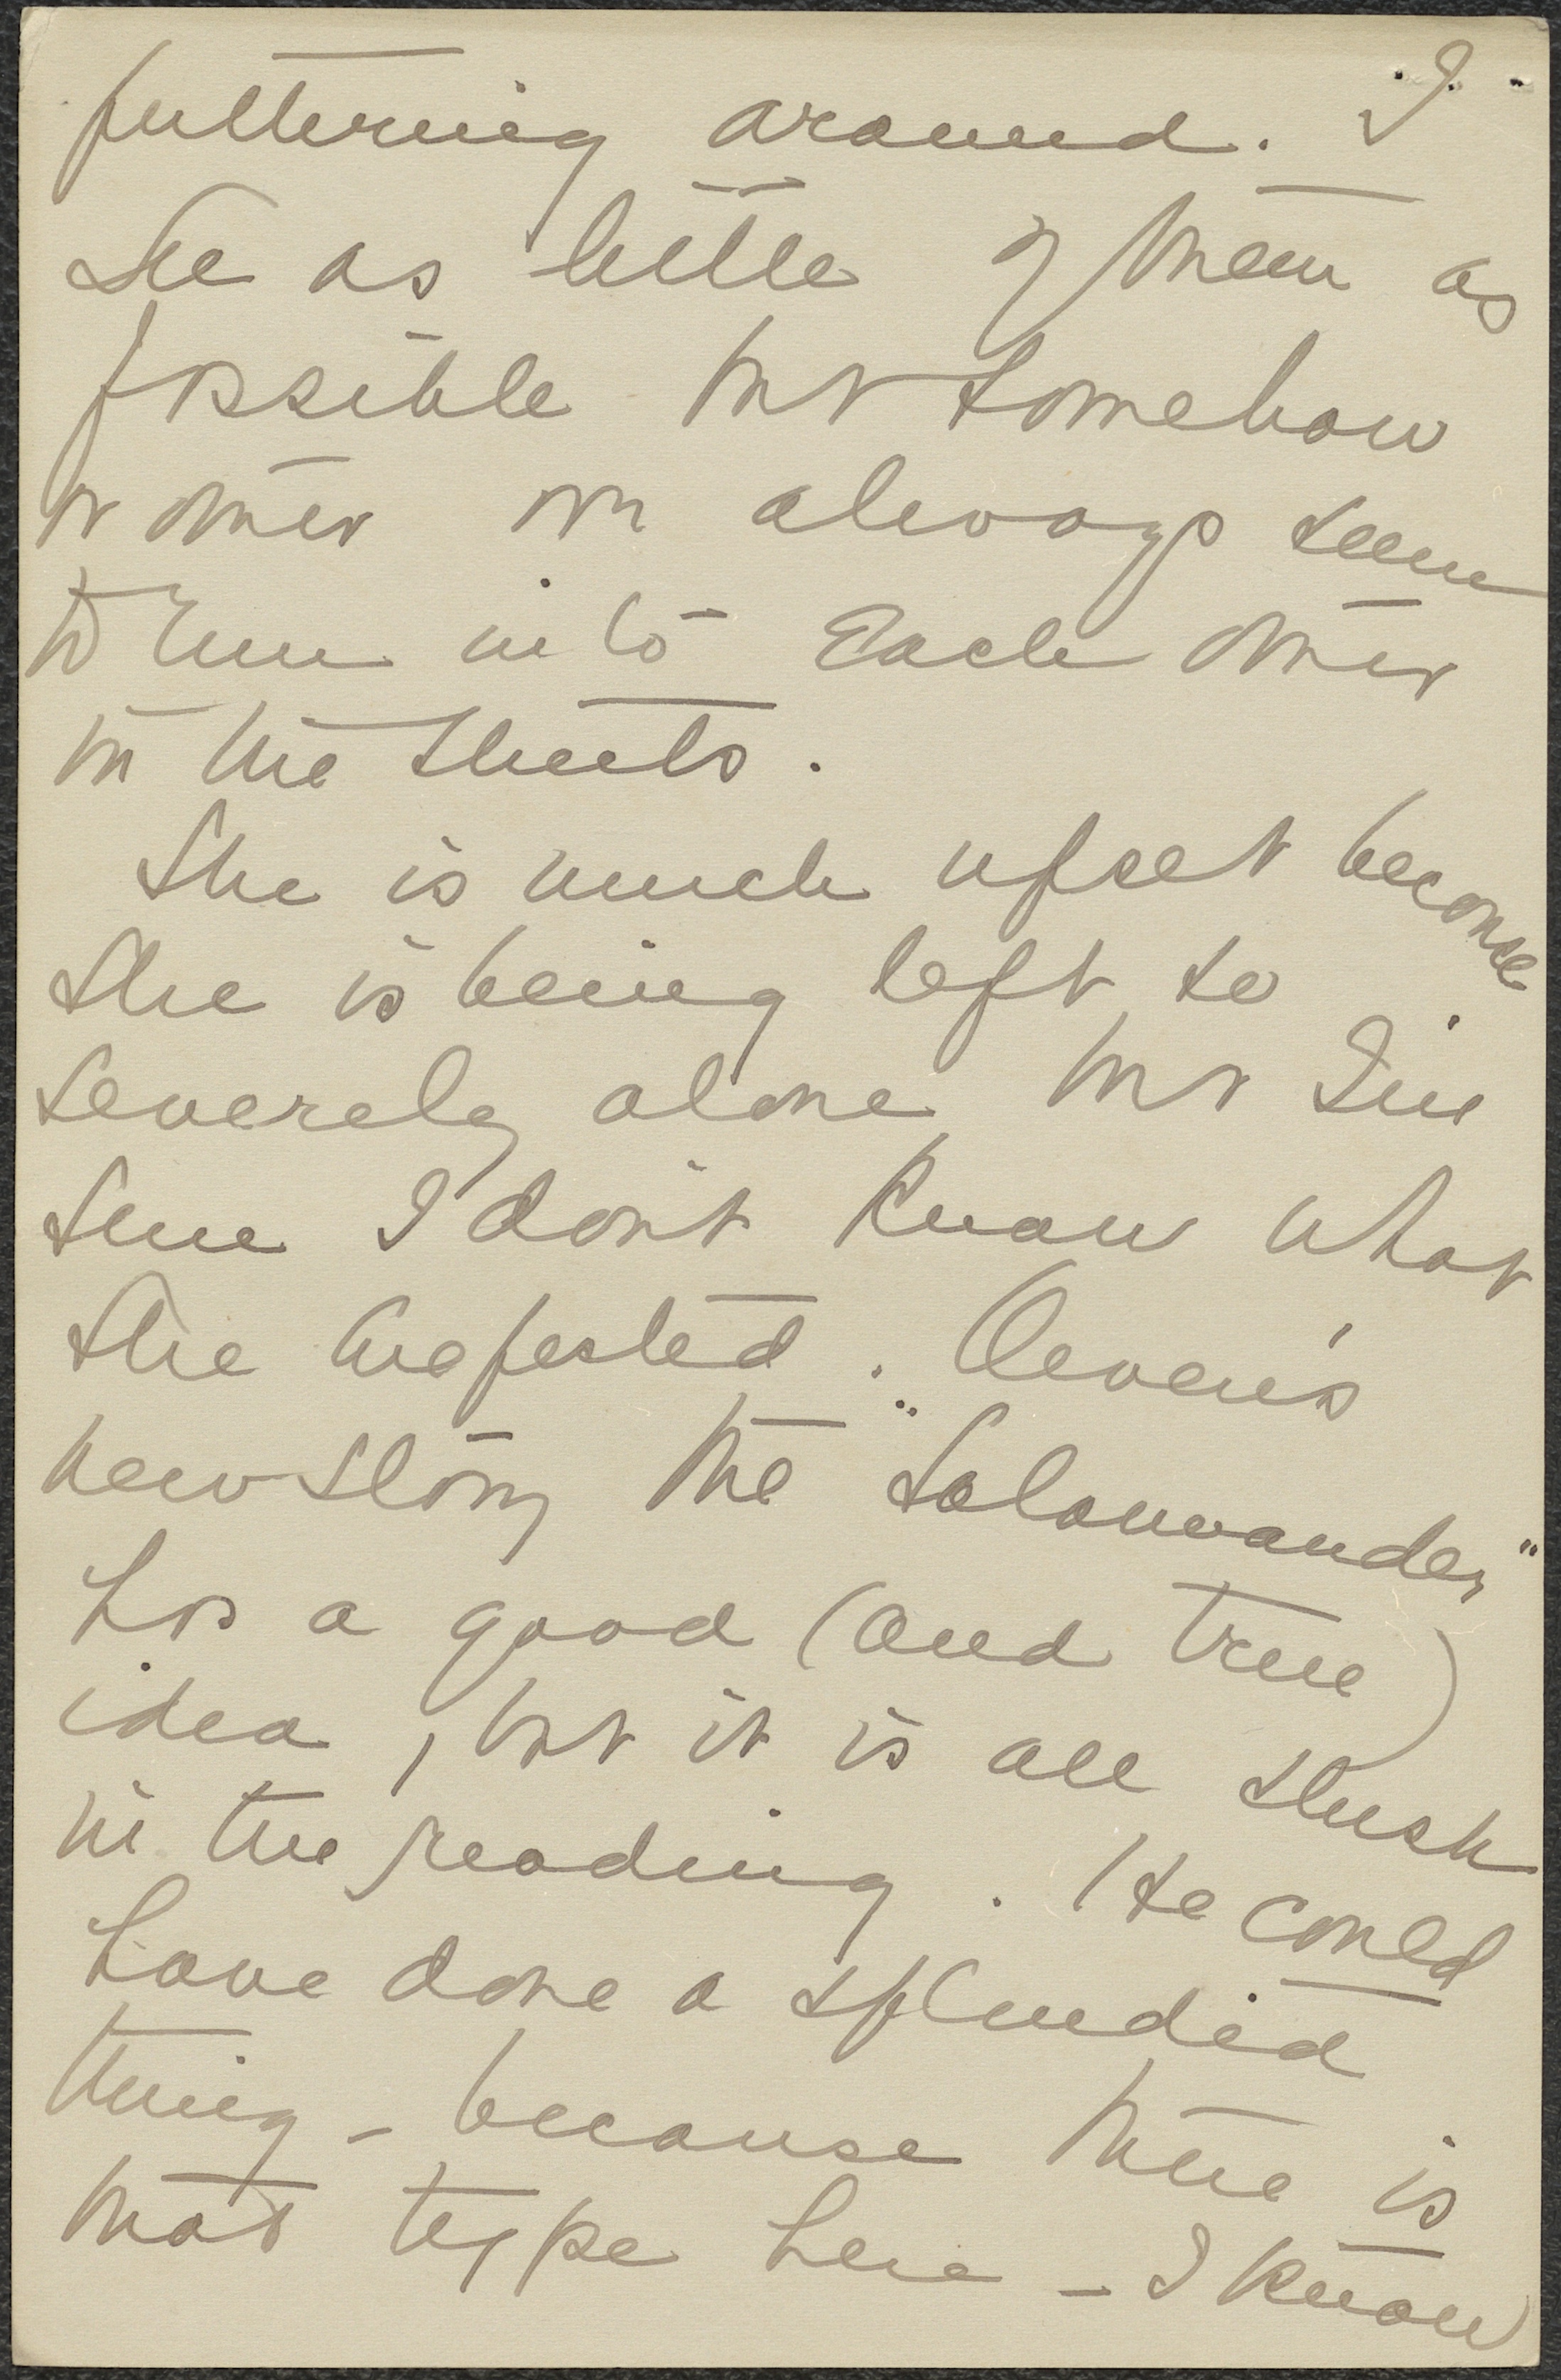puttering around. I see as little of them as possible but somehow or other we always seem to run into each other in the streets.
She is much upset because she is being left so severely alone but I’m sure I don’t know what she expected. Owen’s new story the “Salamander” has a good (and true) idea, but it is all slush in the reading. He could have done a splendid thing – because there is that type here – I know